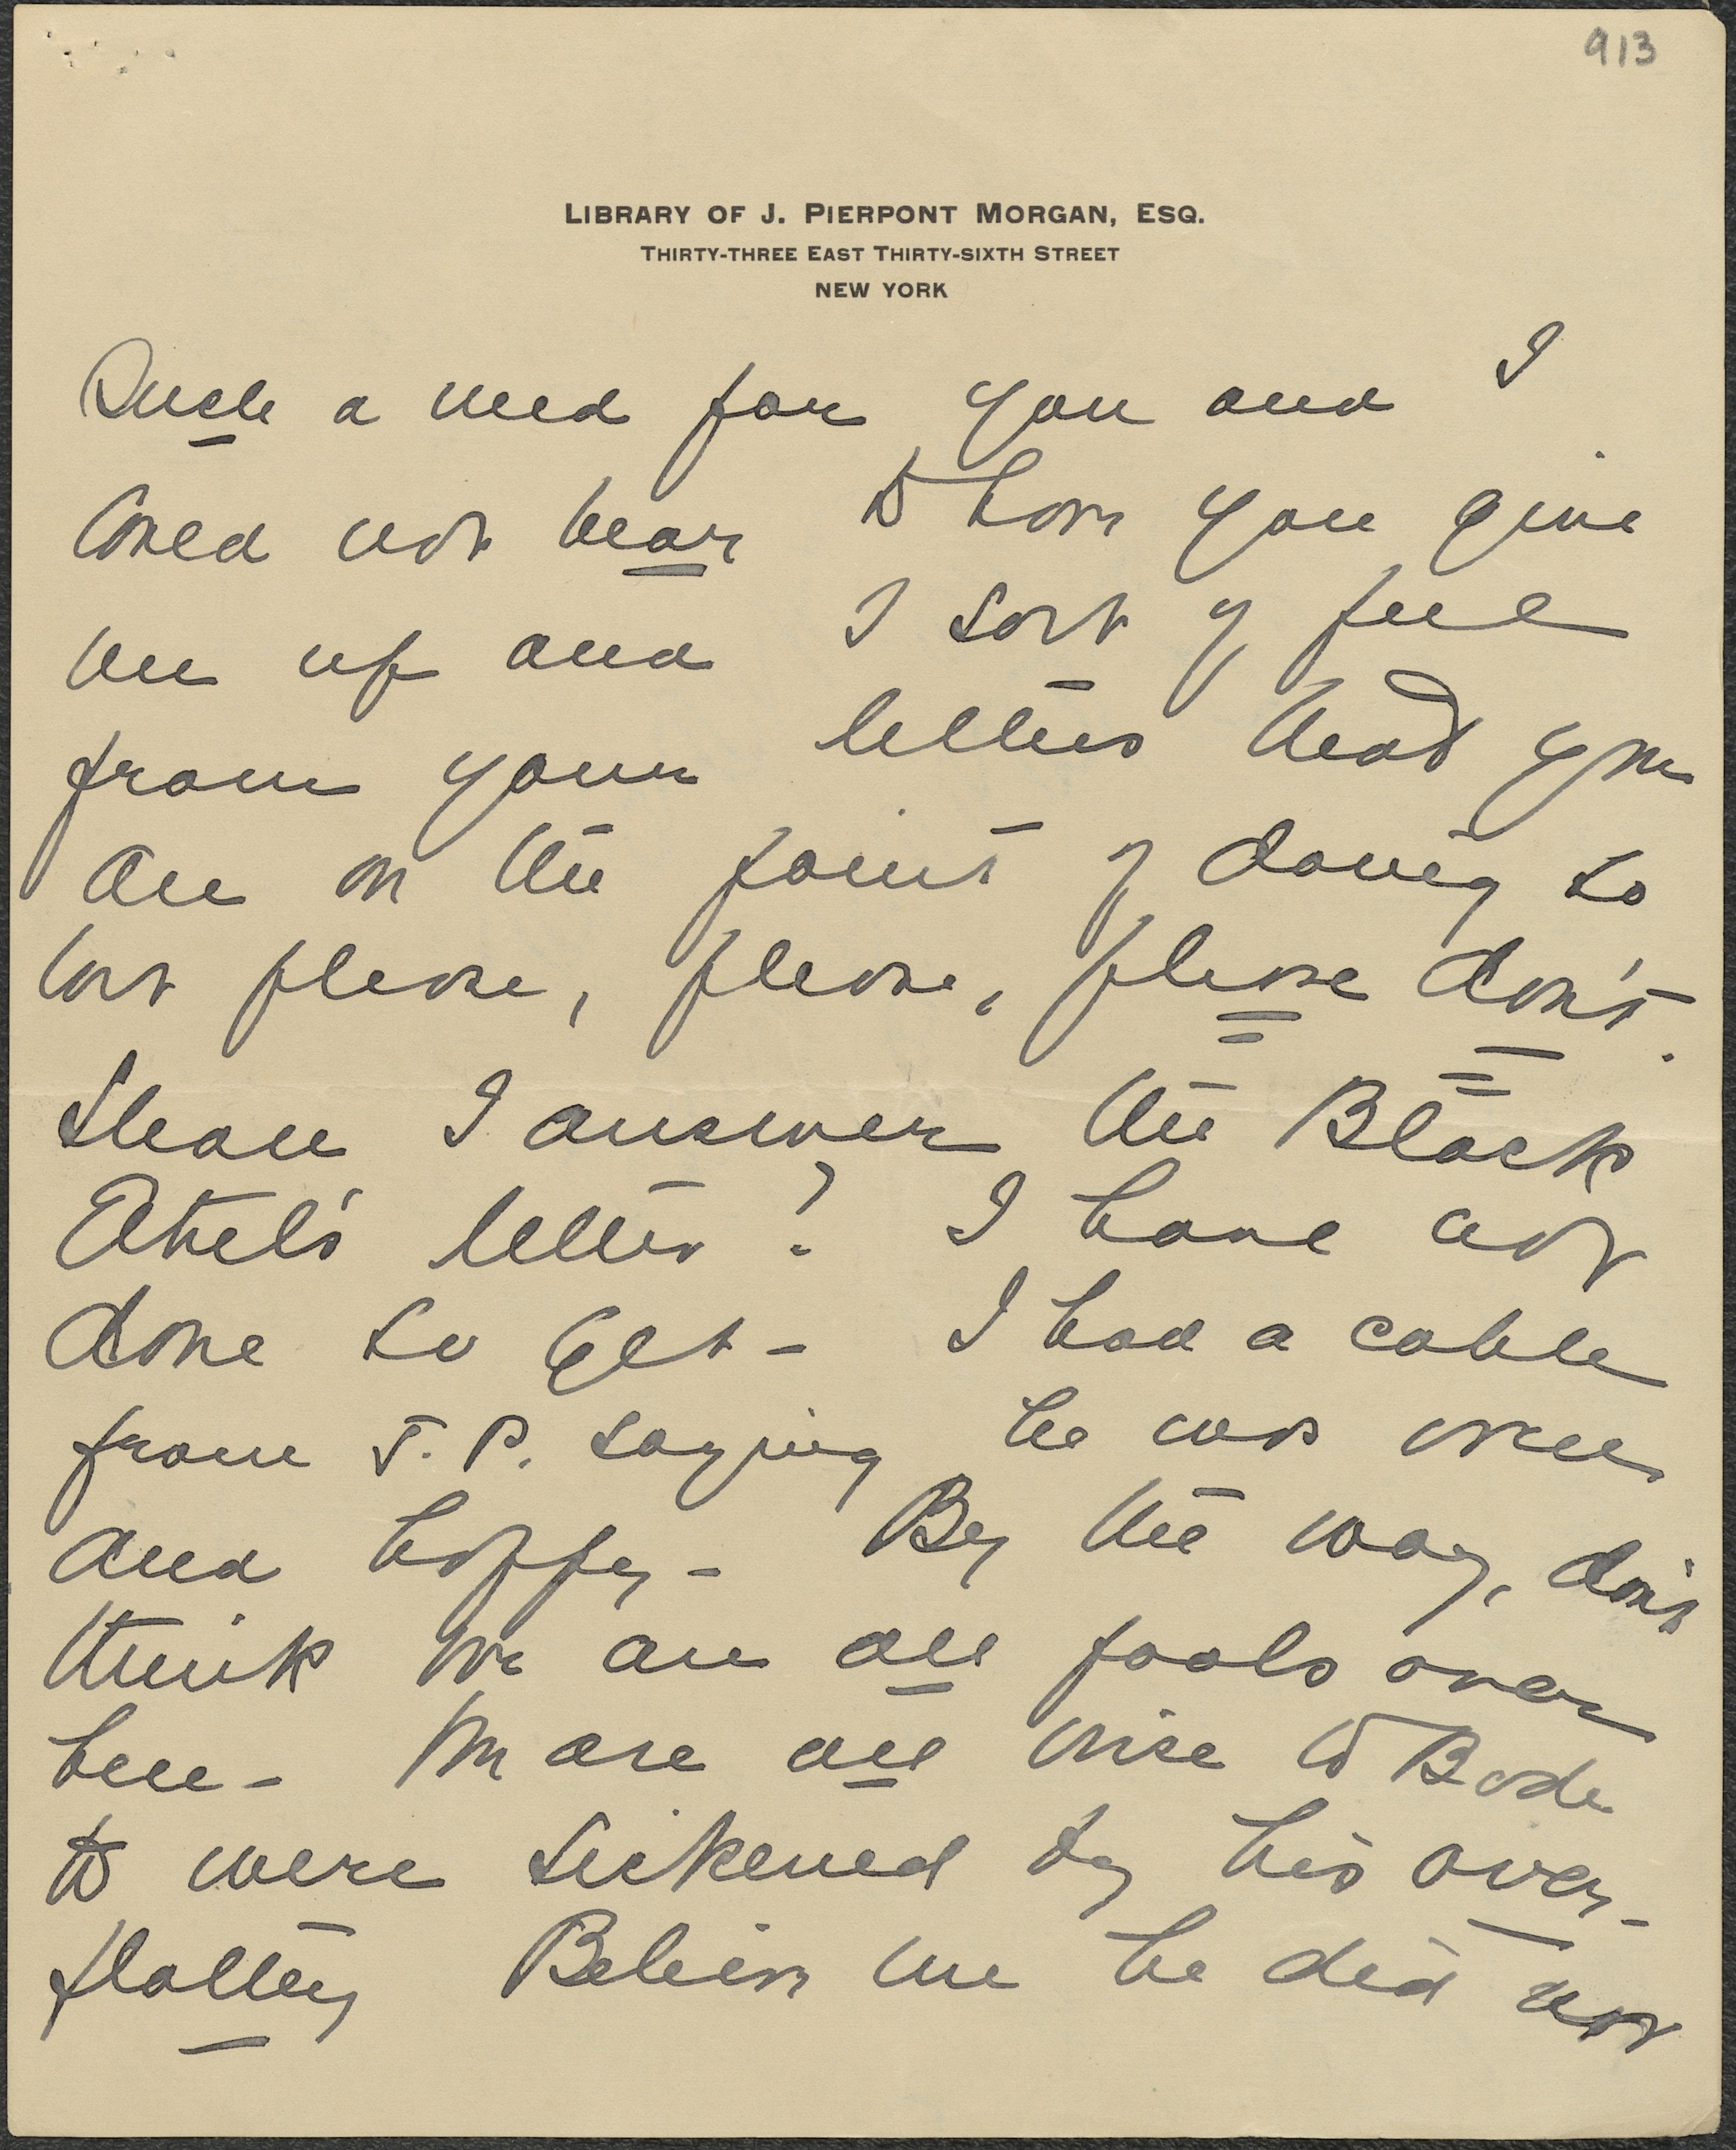such a need for you and I could not bear to have you give me up and I sort of feel from your letters that you are on the point of doing so but please, please, [double underlined: please] [triple underlined: don’t]. Shall I answer the Black Ethel’s letter? I have not done so yet – I had a cable from J.P. saying he was well and happy – By the way, don’t think we are all fools over here – we are all wise to Bode & were sickened by his over-flattery Believe me he did not